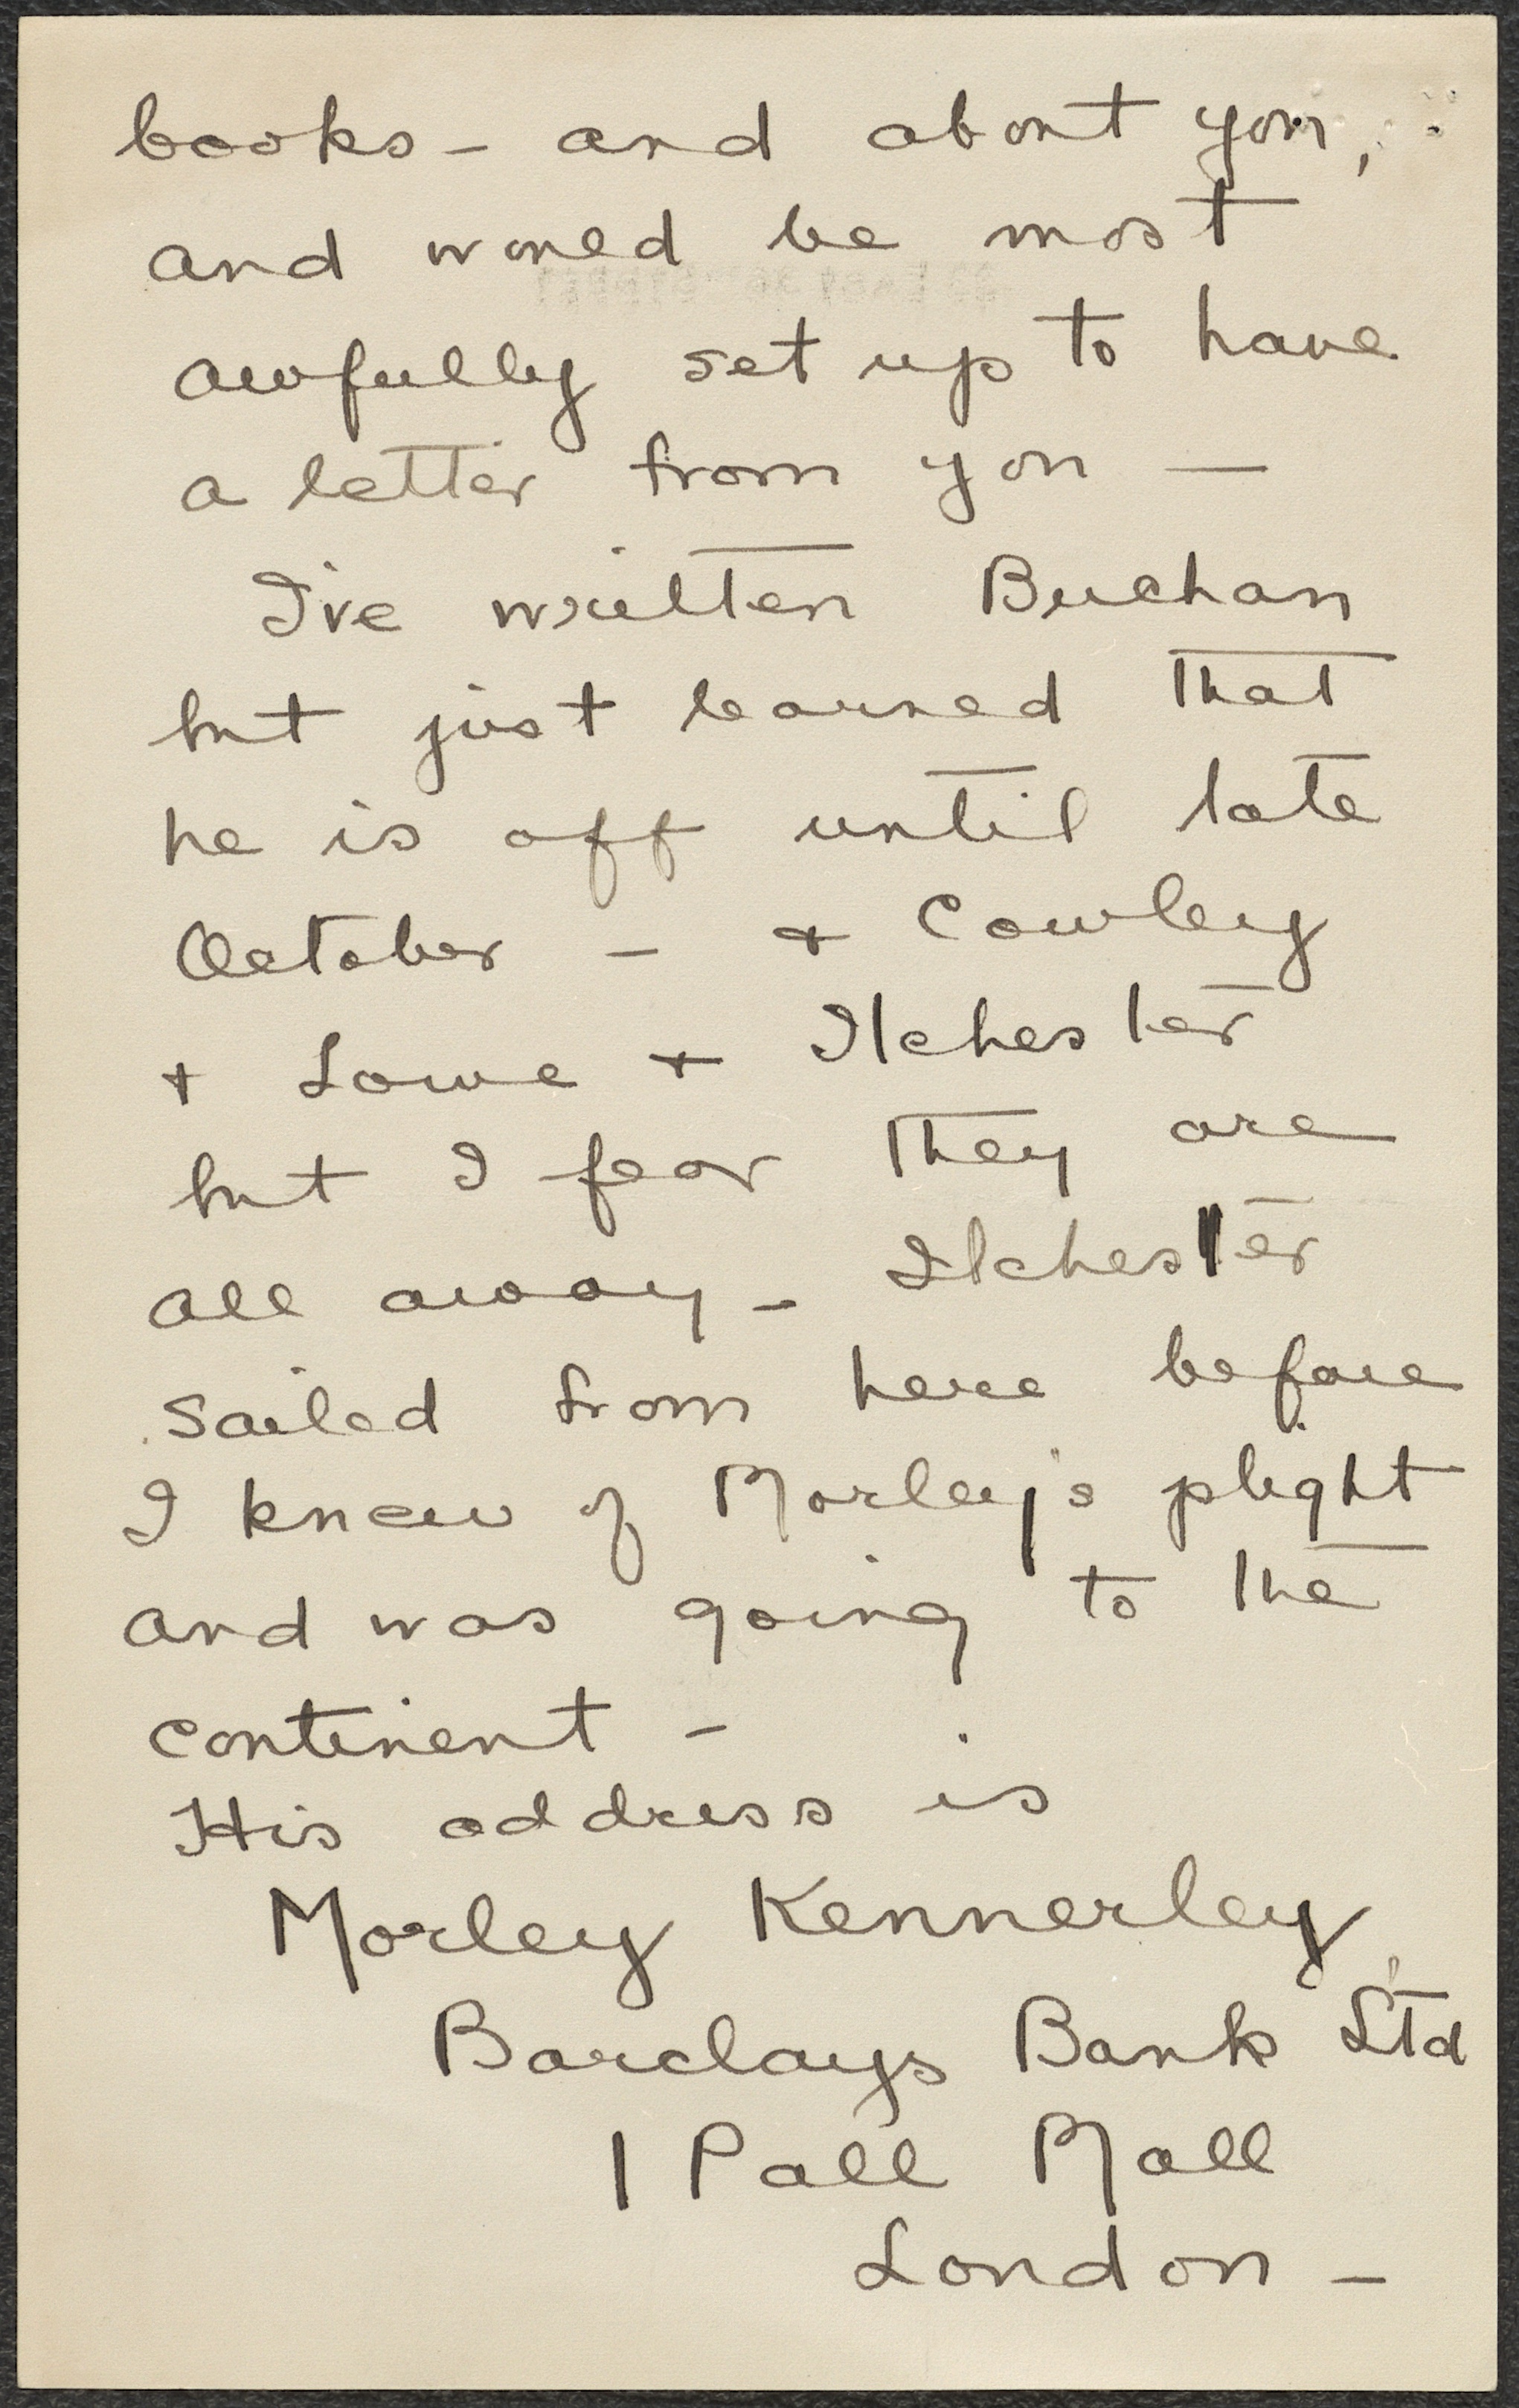books – and about you, and would be most awfully set up to have a letter from you –
I’ve written Buchan but just learned that he is off until late October – & Cowley & Lowe & Ilchester but I fear they are all away – Ilchester sailed from here before I knew of Morley’s plight and was going to the continent –
His address is
Morley Kennerley
Barclays Bank Ltd
1 Pall Mall
London –